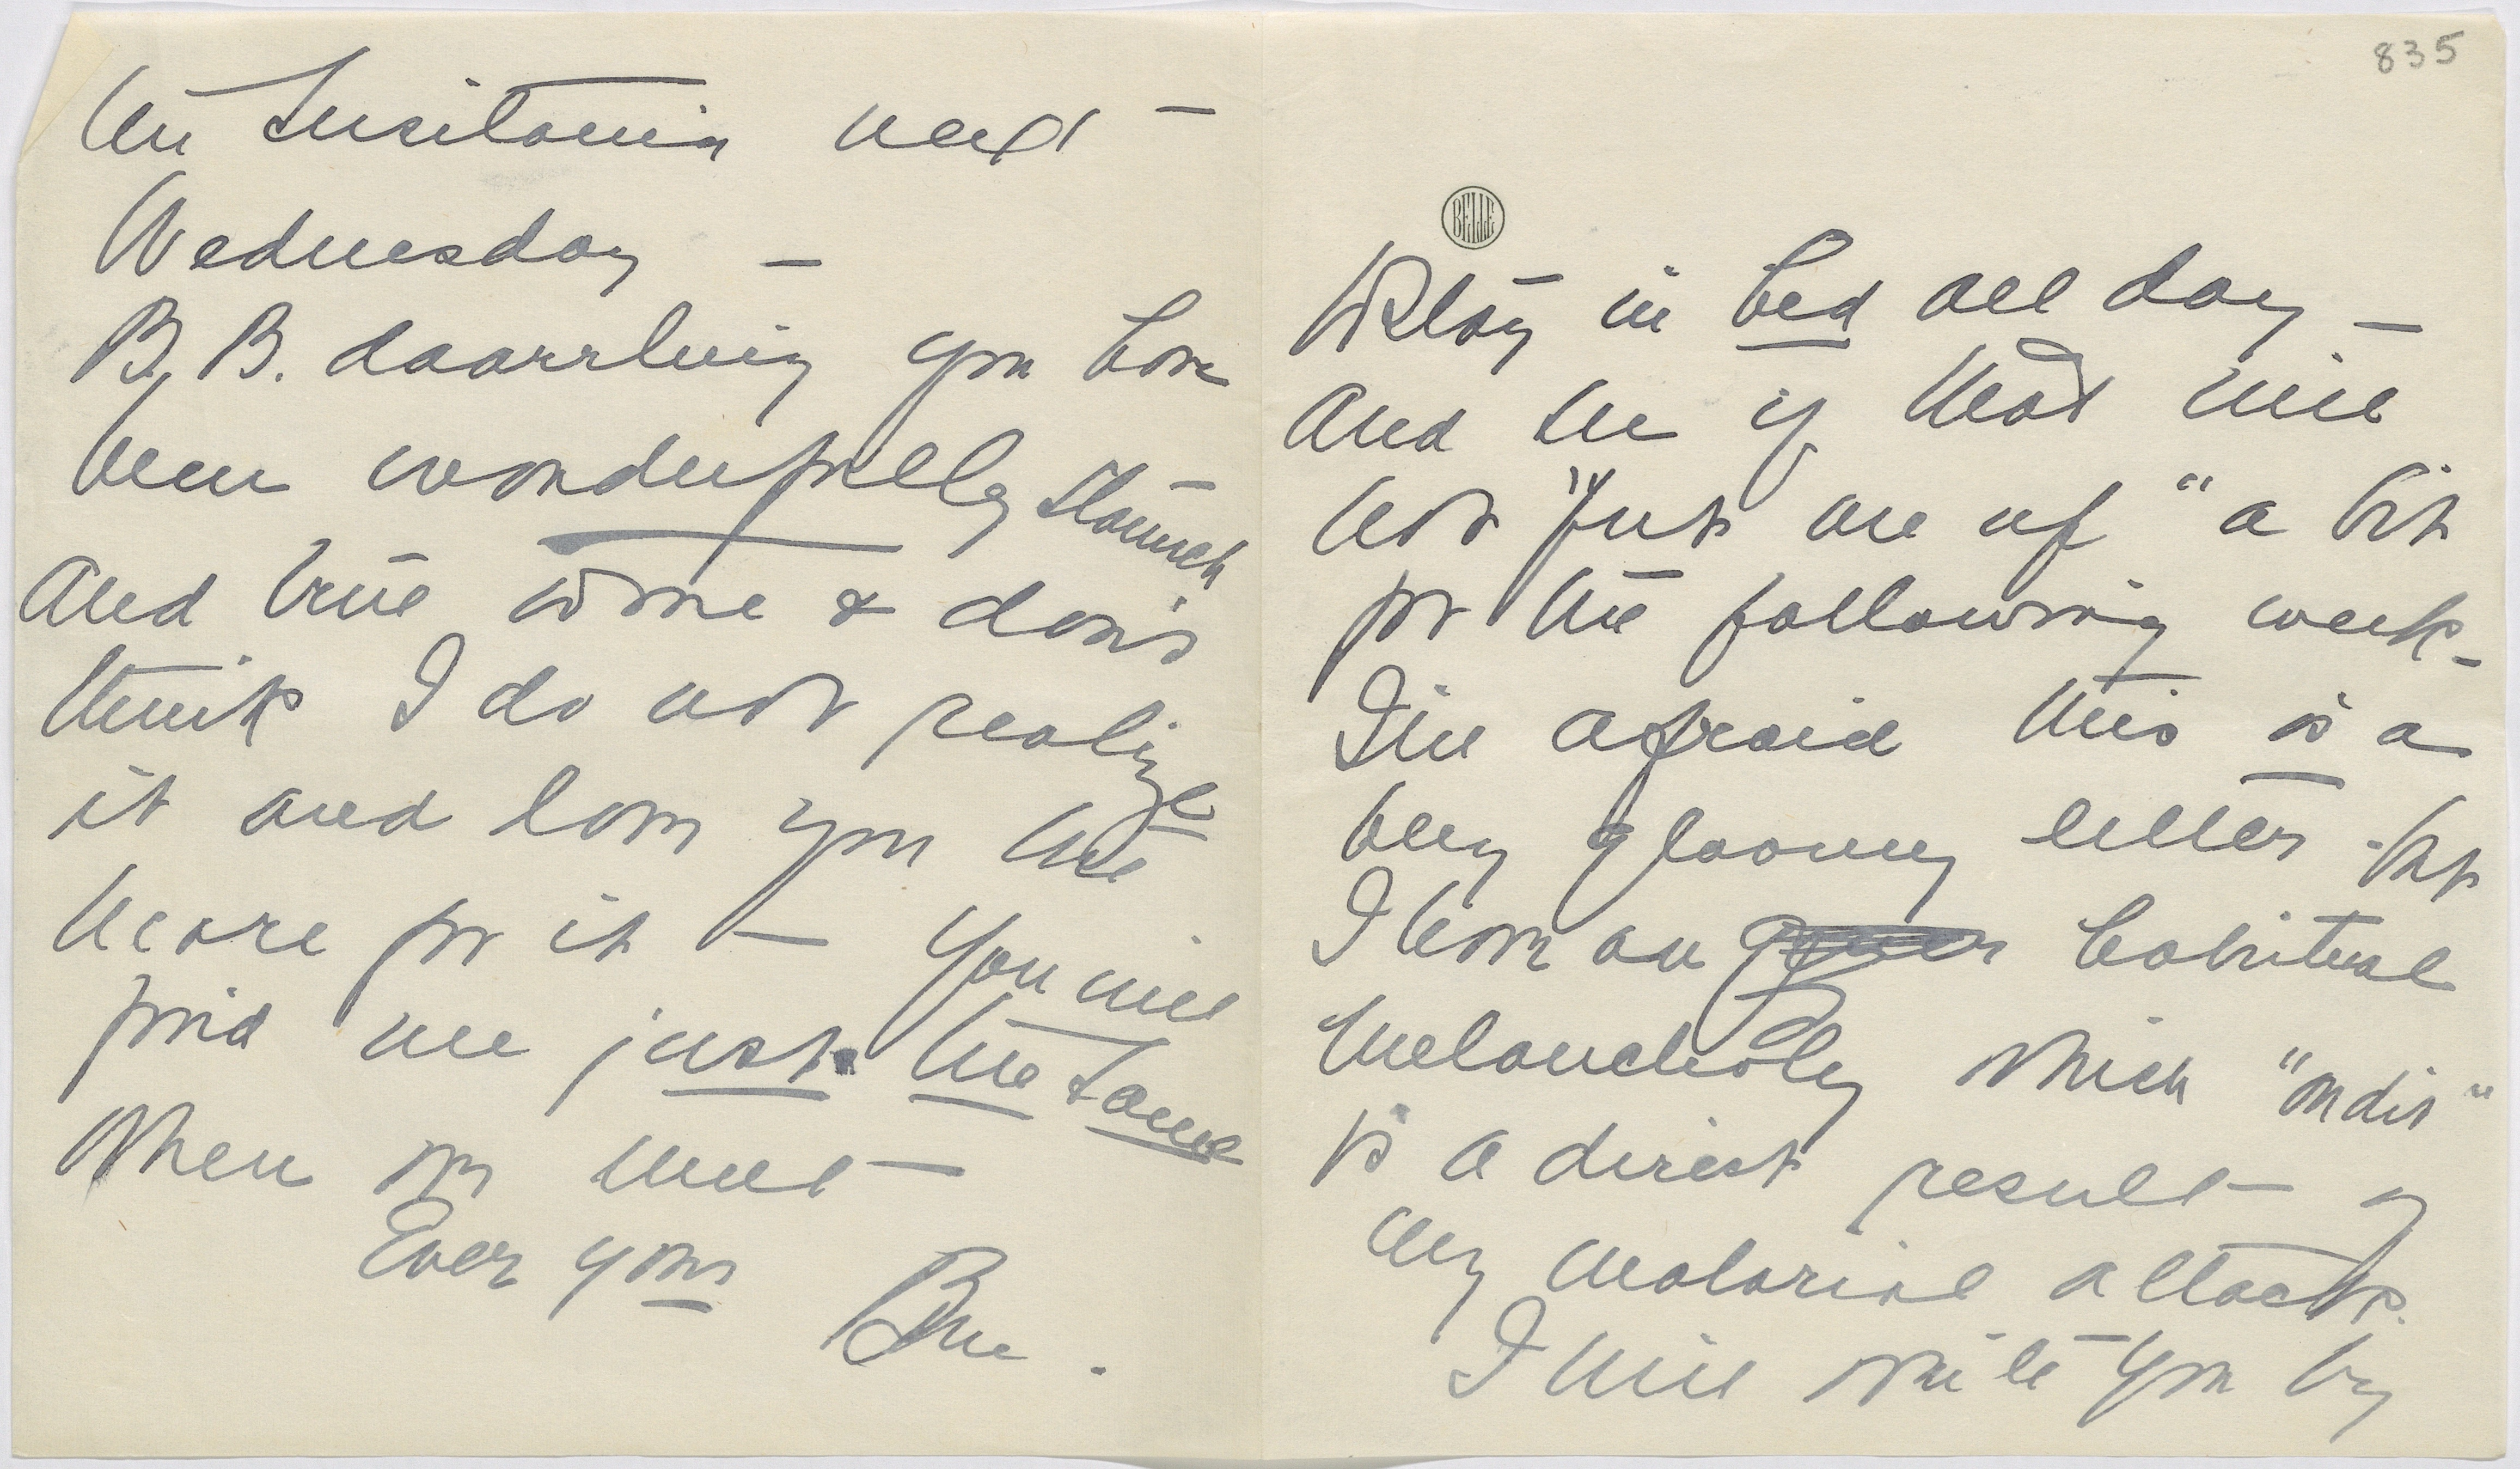to stay in bed all day – and see if that will not “put me up” a bit for the following week – I’m afraid this is a very gloomy letter – but I leave an queer habitual melancholy which “on dit” is a direct result of my malarial attack.
I will write you by
the Lusitania next Wednesday – B. B. daarrling you have been wonderfully staunch and true to me & don’t think I do not realize it and love you the more for it – You will find me just the same when we meet –
Ever your Belle.